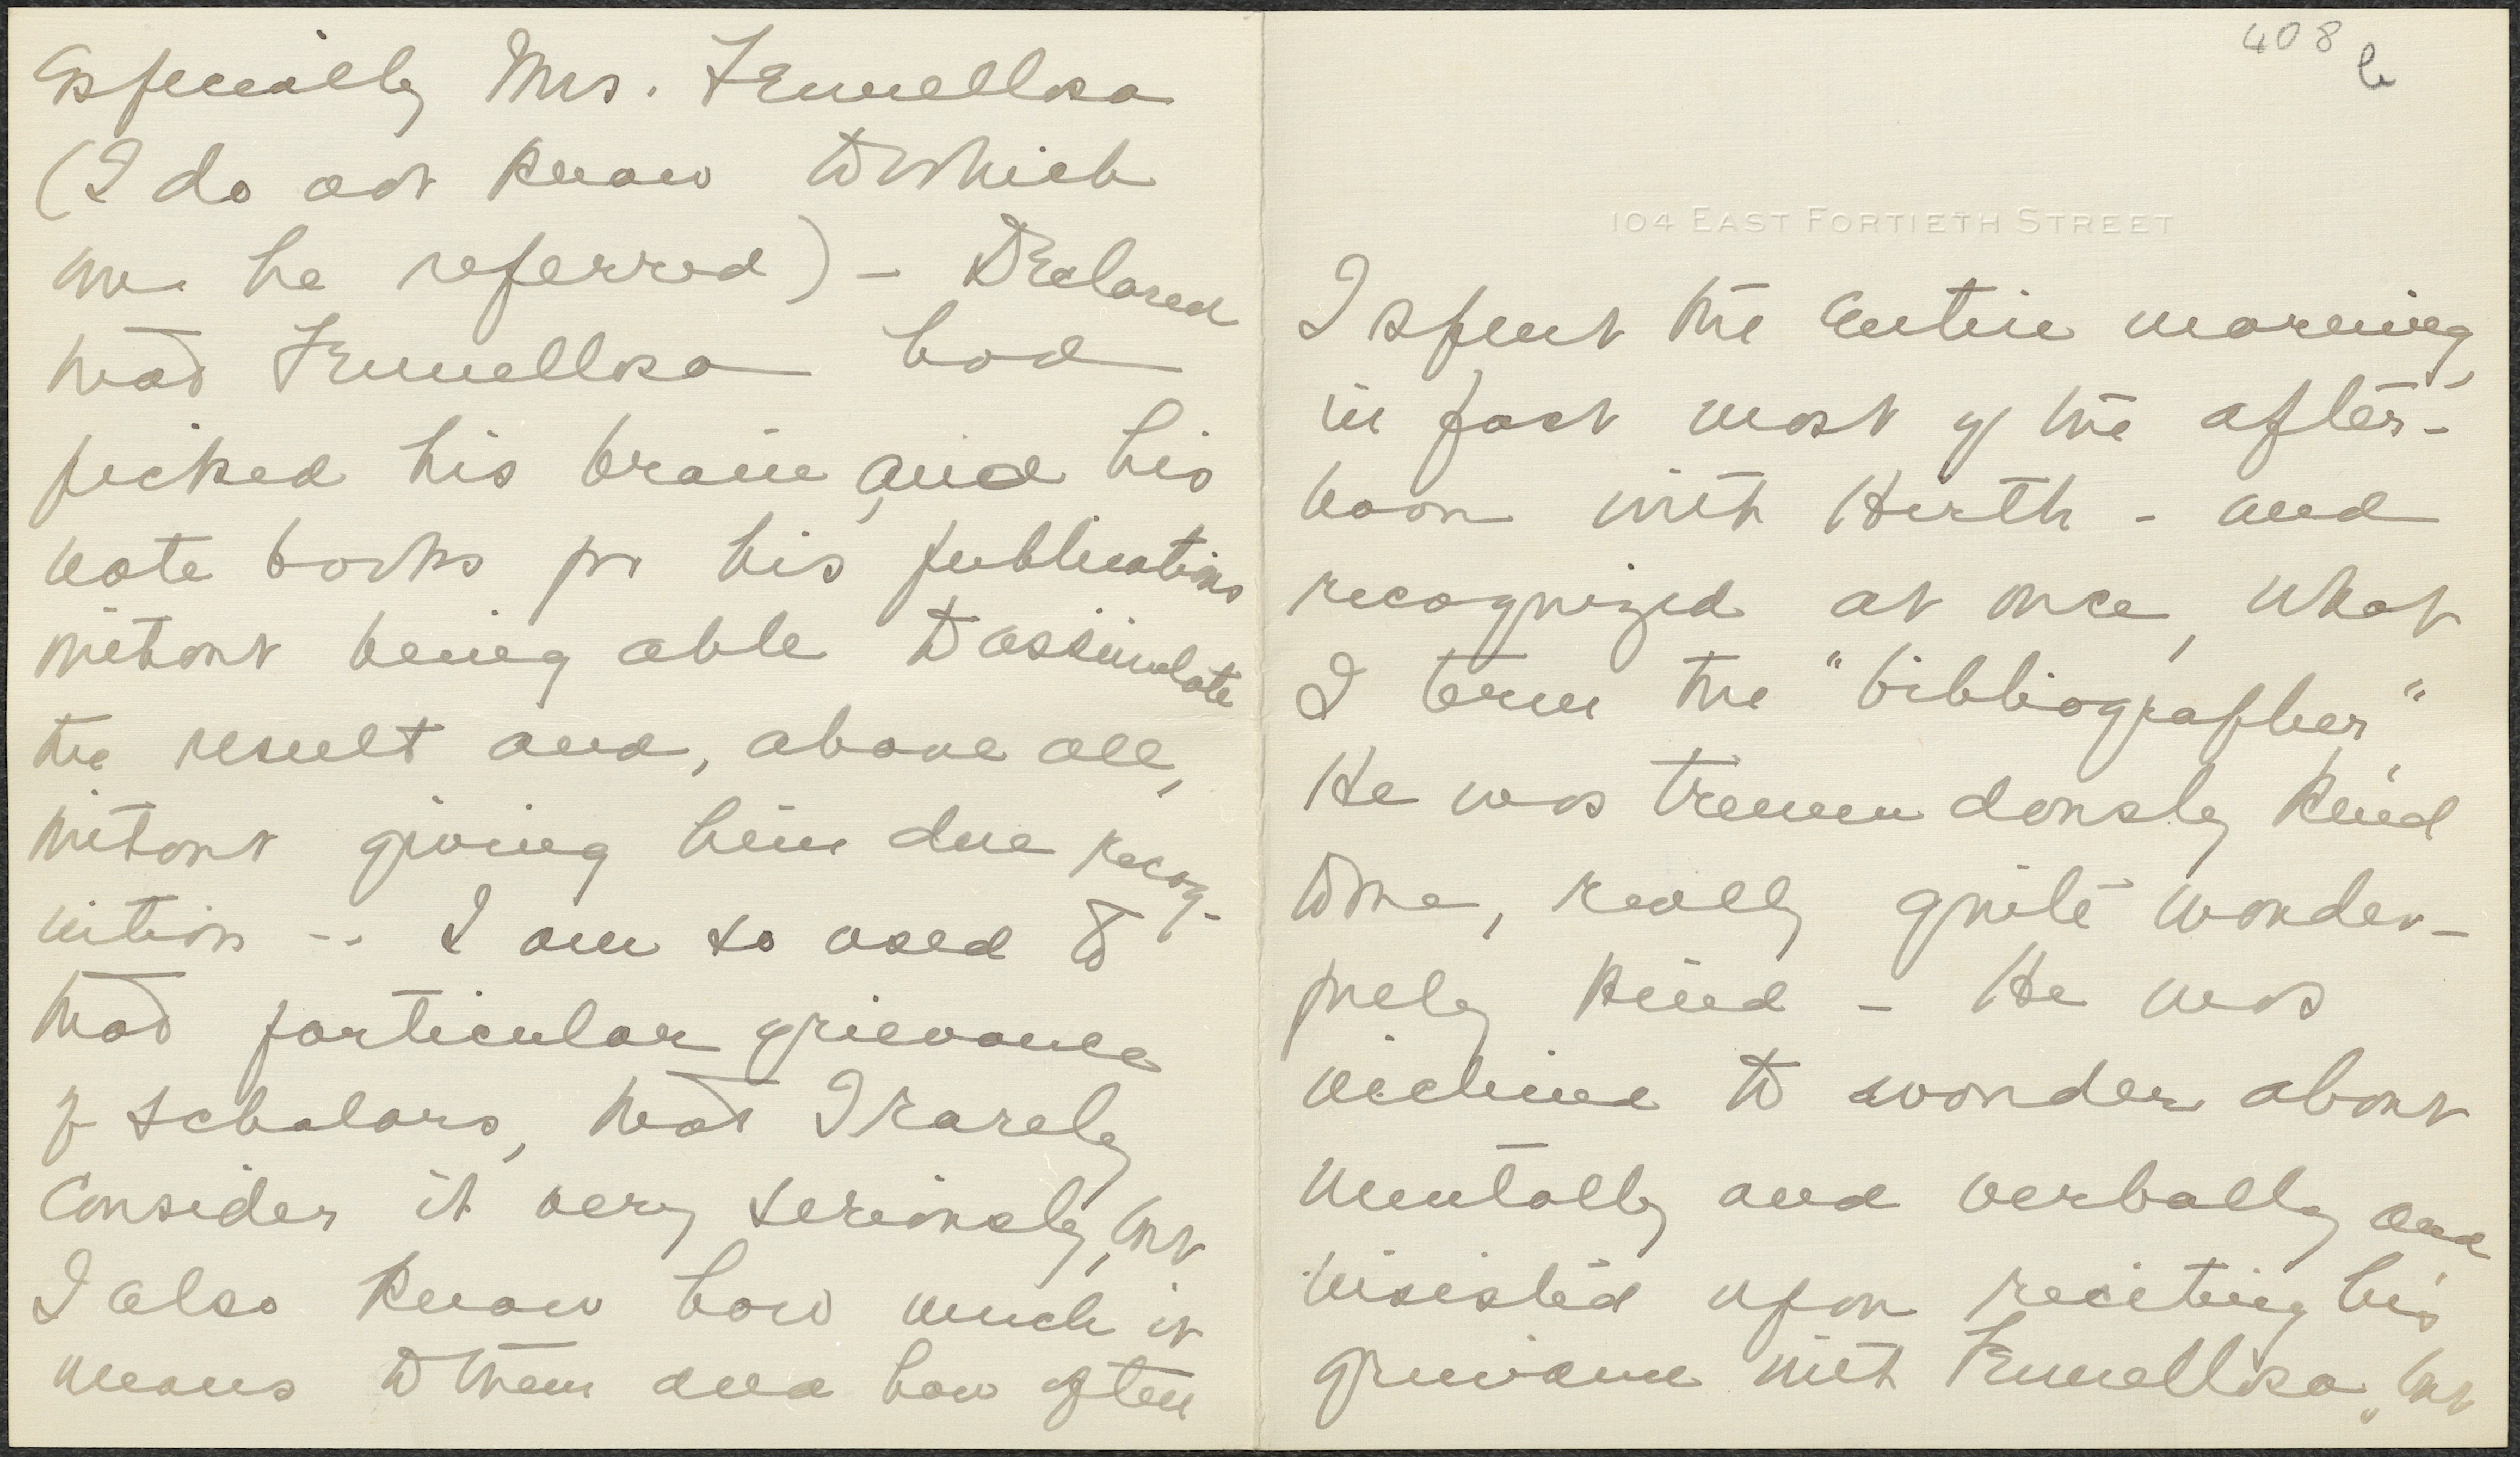I spent the entire morning in fact most of the afternoon with Hirth – and recognized at once, what I term the “bibliographer”
He was tremendously kind to me, really quite wonderfully kind – He was inclined to wander about mentally and verbally and insisted upon reciting his grievance with Fennellosa [sic], but
especially Mrs. Fennellosa [sic] (I do not know to which one he referred) – declared that Fennellosa [sic] had picked his brain and his notebooks for his publications without being able to assimilate the result and, above all, without giving him due recognition – – I am so used to that particular grievance of scholars, that I rarely consider it very seriously, but I also know how much it means to them and how often